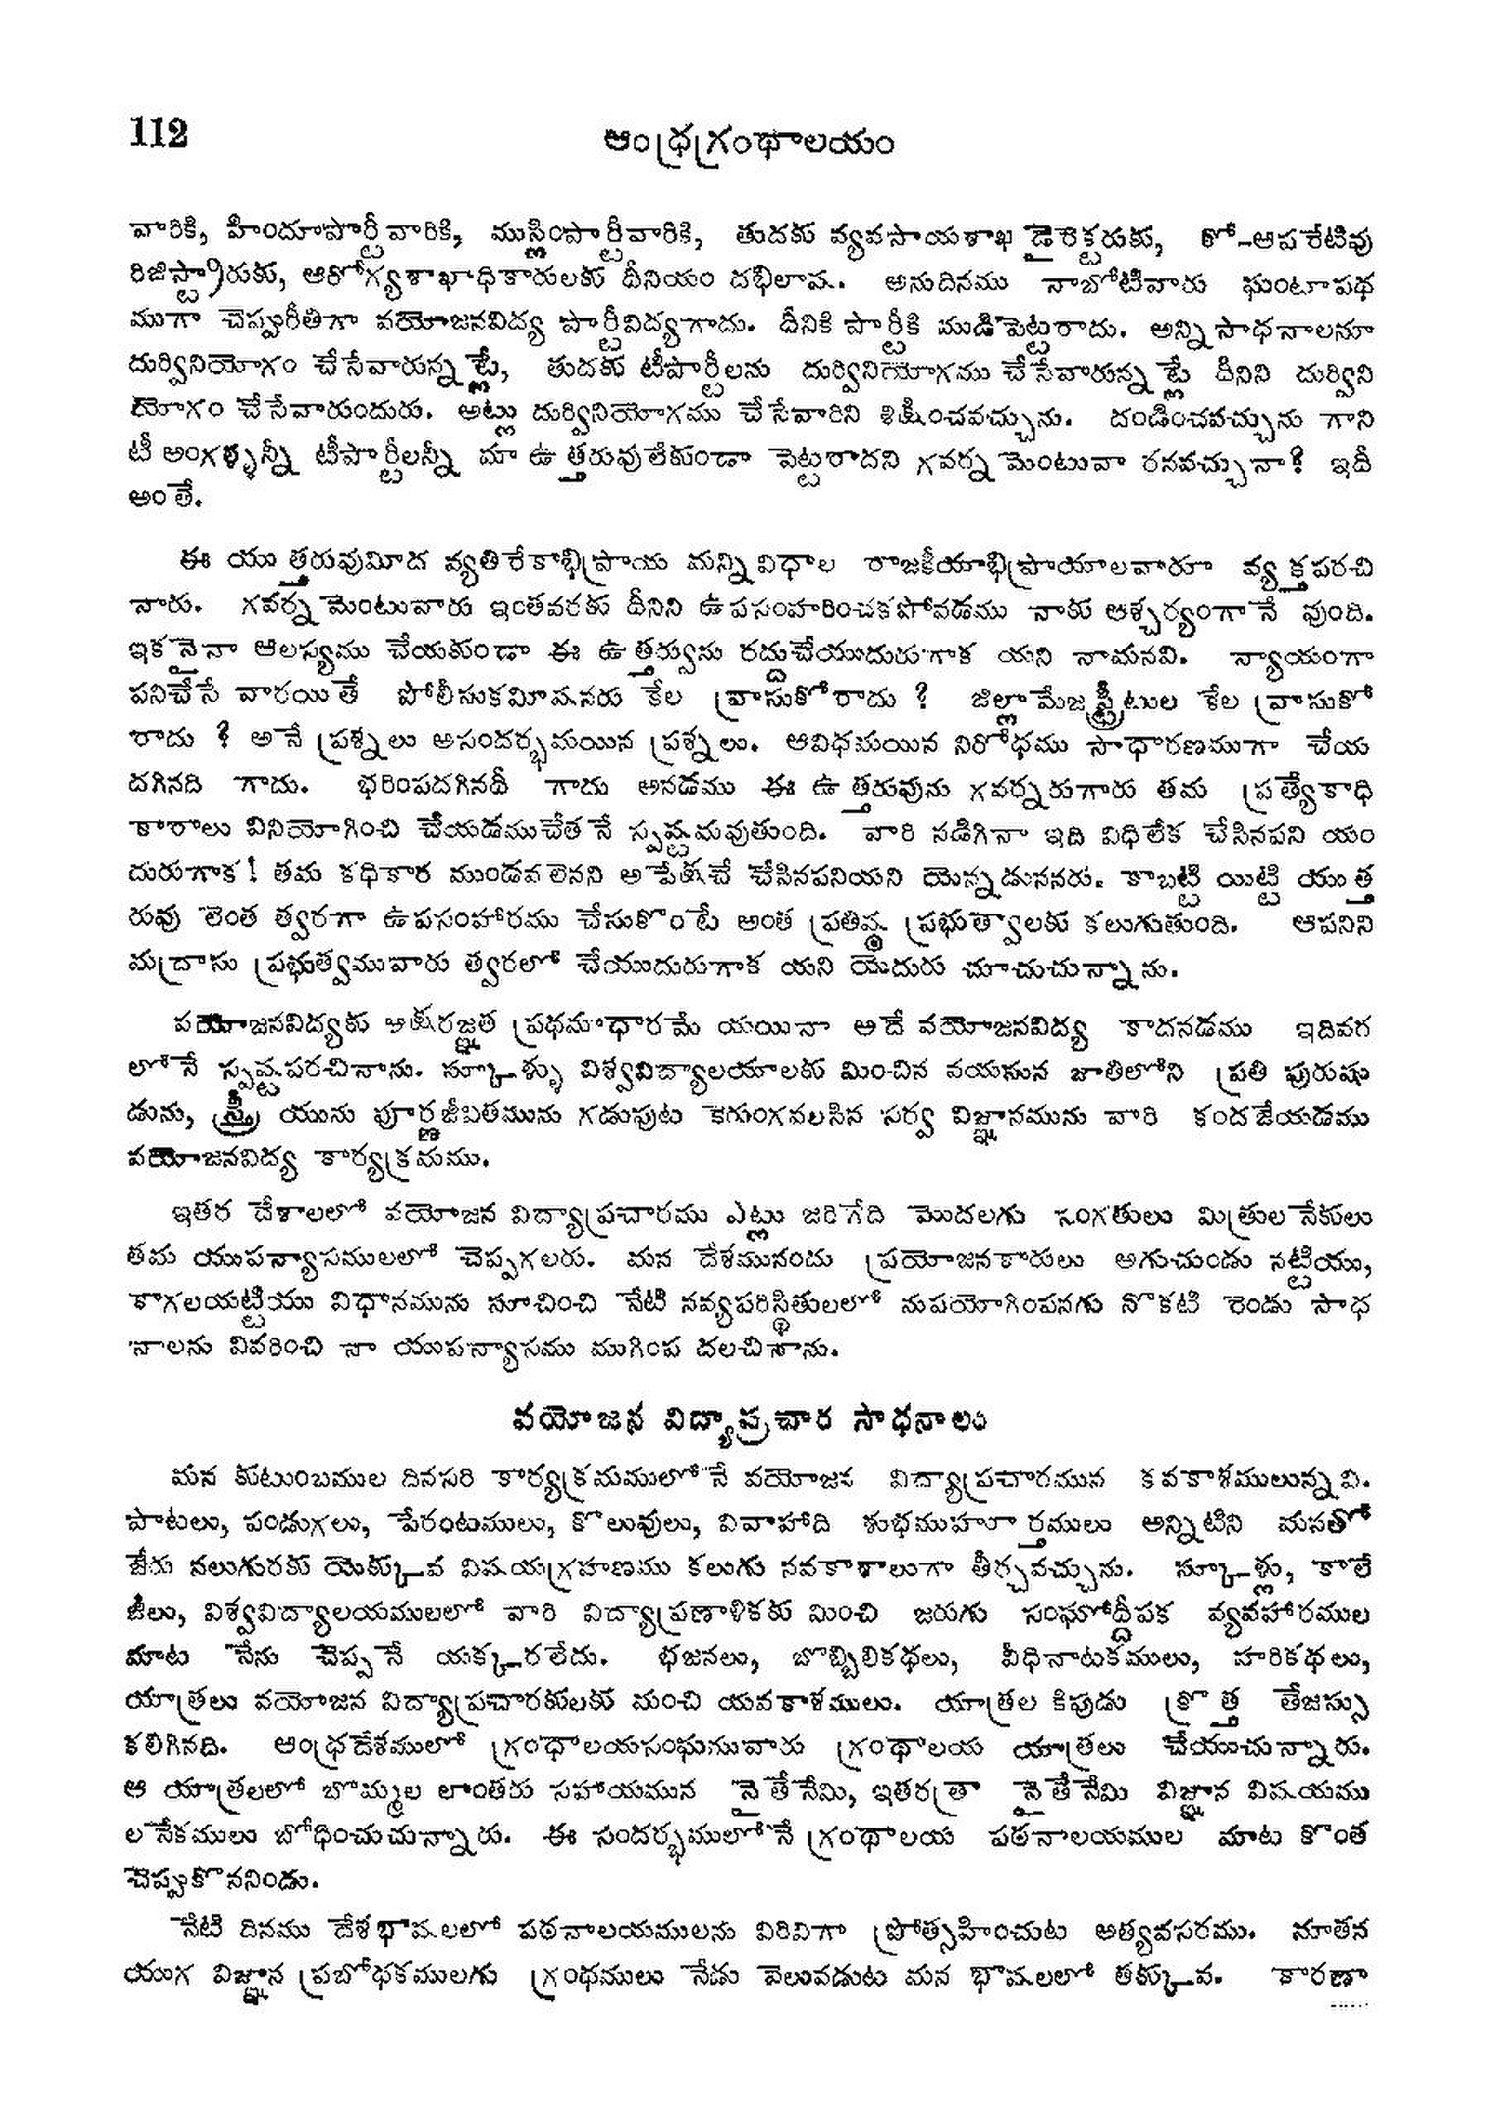వారికి, హిందూపొర్టీ వారికి, ముస్లిం పార్టీవారికి, తుదకు వ్యవసాయశాఖ డైరెక్టరుకు, కో-ఆపరేటివు రిజిస్ట్రారుకు, ఆరోగ్యశాఖాధికారులకు దీనియం దభిలాష. అనుదినము నాబోటివారు ఘంటాపథముగా చెప్పురీతిగా వయోజనవిద్య పార్టీవిద్య గాదు. దీనికి పార్టీకి 
ముడిపెట్టరాదు. అన్ని సాధనాలనూ దుర్వినియోగం చేసేవారున్నట్లే, తుదకు టీపార్టీలను దుర్వినియోగము చేసేవారున్నట్లే
దీనిని దుర్వినియోగం చేసేవారుందురు. అట్లు దుర్వినియోగము చేసేవారిని శిక్షించవచ్చును. దండించవచ్చును గాని
టీ అంగళ్ళన్నీ టీపార్టీలన్నీ మా ఉత్తరువు లేకుండా పెట్టరాదని గవర్న మెంటువారనవచ్చునా? ఇదీ అంతే. 

ఈ యుత్తరువుమీద వ్యతిరేకాభిప్రాయమన్నివిధాల రాజకీయాభిప్రాయాలవారూ వ్యక్తపరచి నారు. గవర్నమెంటువారు ఇంతవరకు 
దీనిని ఉపసంహరించకపోవడము నాకు ఆశ్చర్యంగానే వుంది. ఇకనైనా ఆలస్యము చేయకుండా ఈ ఉత్తర్వును రద్దుచేయుదురు 
గాక యని నామనవి. న్యాయంగా పనిచేసే వారయితే పోలీసుకమిషనరు కేల వ్రాసుకోరాదు? జిల్లా మేజిస్ట్రీటుల కేల వ్రాసుకో
రాదు? అనే ప్రశ్నలు అసందర్భమయిన ప్రశ్నలు. ఆవిధమయిన నిరోధము సాధారణముగా చేయదగినది గాదు. భరింపదగినదీ
గాదు అనడము ఈ ఉత్తరువును గవర్నరుగారు తమ ప్రత్యేకాధికారాలు వినియోగించి చేయడము చేతనే స్పష్టమవుతుంది. వారి 
సడిగినా ఇది విధిలేక చేసినపని యందురుగాక! తమ కధికార ముండవలెనని అపేక్షచే చేసినపనియని యెన్నడుననరు. కాబట్టి 
యిట్టి యుత్తరువు లెంత త్వరగా ఉపసంహారము చేసుకొంటే అంత ప్రతిష్ఠ ప్రభుత్వాలకు కలుగుతుంది. ఆ నిని మద్రాసు 
ప్రభుత్వమువారు త్వరలో చేయుదురుగాక యని యెదురు చూచుచున్నాను.

పయోజనవిద్యకు అక్షరజ్ఞత ప్రథమ ధారమే యయినా అదే వయోజన విద్య కాదనడము ఇదివరలోనే స్పష్టపరచినాను. స్కూళ్ళు విశ్వవిద్యాలయాలకు మించిన వయసున జాతిలోని ప్రతి పురుషుడును, స్త్రీ యుసు పూర్ణ జీవితమును గడుపుట కెగురగవలసిన
సర్వ విజ్ఞానమును వారి కందజేయడము వయోజనవిద్య కార్యక్రమము.

ఇతర దేశాలలో వయోజన విద్యాప్రచారము ఎట్లు జరిగేది మొదలగు సంగతులు మిత్రులనేకులు తమ యుపన్యాసములలో 
చెప్పగలరు. మన దేశమునందు ప్రయోజనకారులు అగుచుండు నట్టియు, కాగలయట్టియు విధానమును సూచించి నేటి 
నవ్యపరిస్థితులలో నుపయోగింపనగు నొకటి రెండు సాధనాలను వివరించి నా యుపన్యాసము ముగింప దలచినాను.

మన కుటుంబముల దినసరి కార్యక్రమములోనే వయోజన విద్యాప్రచారమున కవకాశములున్నవి. పాటలు, పండుగలు, 
పేరంటములు, కొలువులు, వివాహాది శుభముహూర్తములు అన్నిటిని మనతో జేరు నలుగురకు యెక్కువ విషయగ్రహణము 
కలుగు నవకాశాలుగా తీర్చవచ్చును. స్కూళ్లు, కాలేజీలు, విశ్వవిద్యాలయములలో వారి విద్యాప్రణాళికకు మించి జరుగు 
సంఘోద్దీపక వ్యవహారముల మాట నేను చెప్పనే యక్కరలేదు. భజనలు, బొబ్బిలికథలు, వీధినాటకములు, హరికథలు,
యాత్రలు వయోజన విద్యాప్రచారకులకు నుంచి యవకాశములు. యాత్రల కిపుడు క్రొత్త తేజస్సు కలిగినది. ఆంధ్రదేశములో 
గ్రంధాలయ సంఘమువారు గ్రంథాలయ యాత్రలు చేయుచున్నారు. ఆ యాత్రలలో బొమ్మల లాంతరు సహాయమున నైతేనేమి, 
ఇతరత్రా నైతేనేమి విజ్ఞాన విషయముల సేకములు బోధించుచున్నారు. ఈ సందర్భములోనే గ్రంథాలయ పఠనాలయములు 
మాట కొంత చెప్పుకొననిండు.

నేటి దినము దేశభాషలలో పఠనాలయములను విరివిగా ప్రోత్సహించుట అత్యవసరము. నూతనయుగ విజ్ఞాన ప్రబోధకములగు 
గ్రంథములు నేడు వెలువడుట మన భాషలలో తక్కువ. కారణా